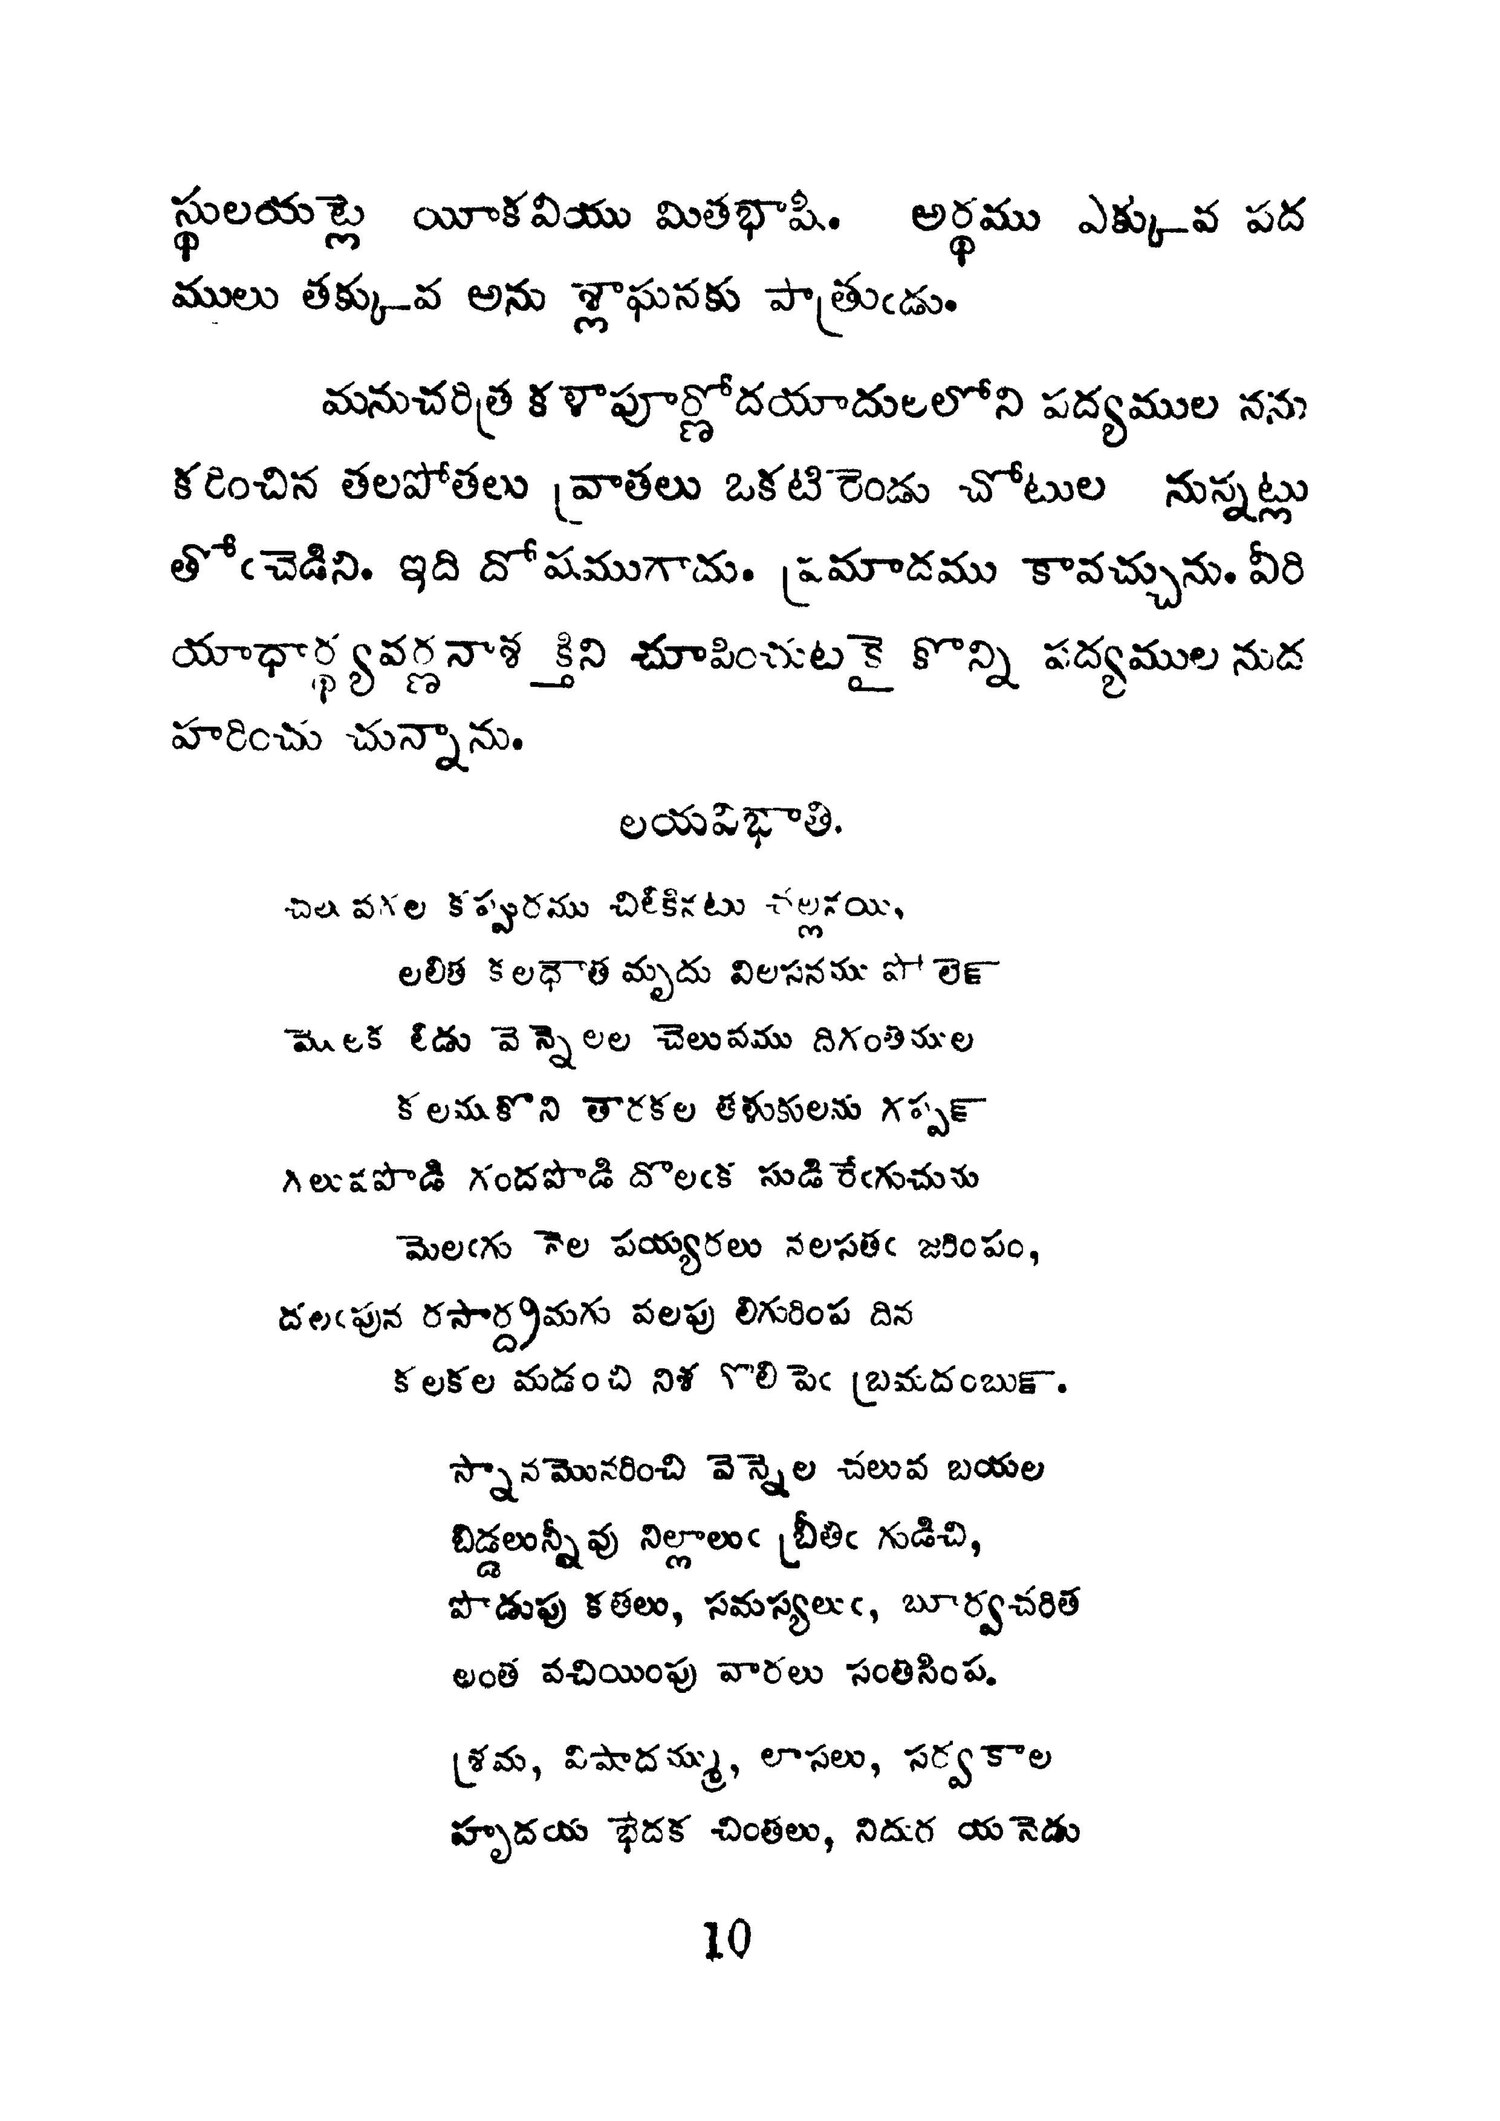స్థులయట్లె యీకవియు మితభాషి. అర్థము ఎక్కువ పదములు తక్కువ అను శ్లాఘనకు పాత్రుడు.

మనుచరిత్ర, కళాపూర్ణోదయాదులలోని పద్యముల ననుకరించిన తలపోతలు వ్రాతలు ఒకటిరెండు చోటుల నున్నట్లు తోచెడిని. ఇది దోషముగాదు. ప్రమాదము కావచ్చును. వీరి యాథార్థ్యవర్ణనాశక్తిని చూపించుటకై కొన్ని పద్యముల నుదహరించు చున్నాను.